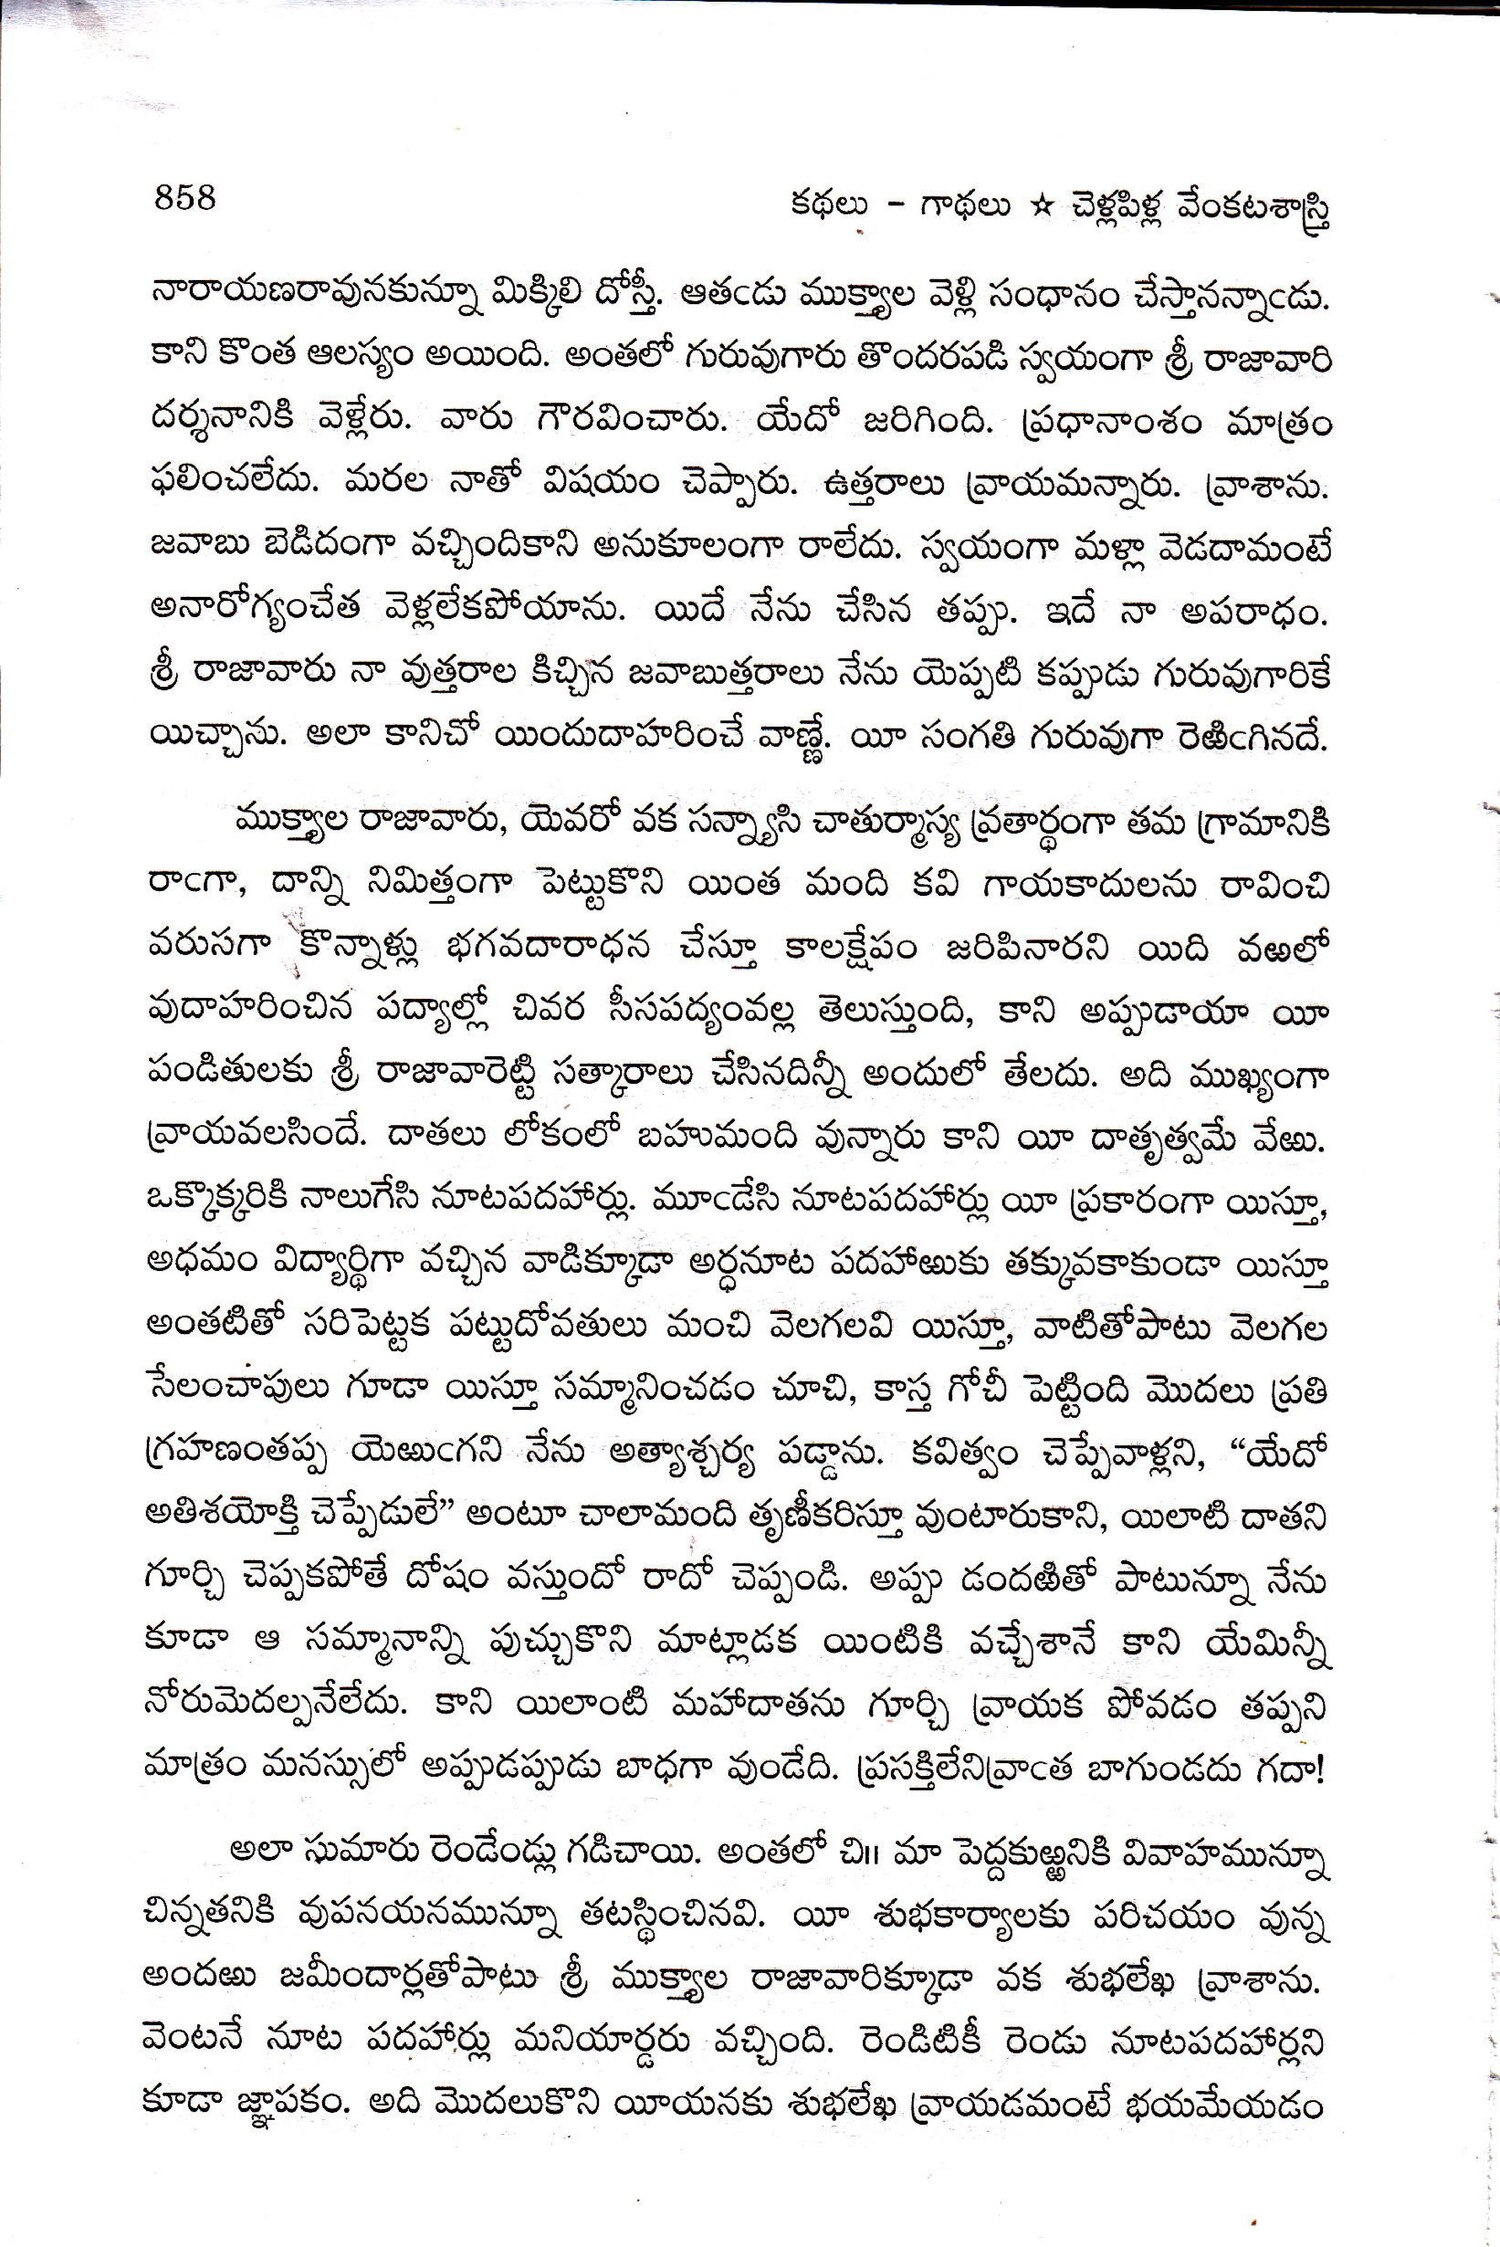నారాయణరావునకున్నూ మిక్కిలి దోస్తే, ఆతఁడు ముక్త్యాల వెళ్లి సంధానం చేస్తానన్నాఁడు. కాని కొంత ఆలస్యం అయింది. అంతలో గురువుగారు తొందరపడి స్వయంగా శ్రీ రాజావారి దర్శనానికి వెళ్లేరు. వారు గౌరవించారు. యేదో జరిగింది. ప్రధానాంశం మాత్రం ఫలించలేదు. మరల నాతో విషయం చెప్పారు. ఉత్తరాలు వ్రాయమన్నారు. వ్రాశాను. జవాబు బెడిదంగా వచ్చిందికాని అనుకూలంగా రాలేదు. స్వయంగా మళ్లా వెడదామంటే అనారోగ్యంచేత వెళ్లలేకపోయాను. యిదే నేను చేసిన తప్పు. ఇదే నా అపరాధం. శ్రీ రాజావారు నా వుత్తరాల కిచ్చిన జవాబుత్తరాలు నేను యెప్పటి కప్పుడు గురువుగారికే యిచ్చాను. అలా కానిచో యిందుదాహరించే వాణ్ణి. యీ సంగతి గురువుగా రెఱిఁగినదే.

ముక్త్యాల రాజావారు, యెవరో వక సన్న్యాసి చాతుర్మాస్య వ్రతార్థంగా తమ గ్రామానికి రాఁగా, దాన్ని నిమిత్తంగా పెట్టుకొని యింత మంది కవి గాయకాదులను రావించి వరుసగా కొన్నాళ్లు భగవదారాధన చేస్తూ కాలక్షేపం జరిపినారని యిది వఱలో వుదాహరించిన పద్యాల్లో చివర సీసపద్యంవల్ల తెలుస్తుంది, కాని అప్పుడాయా యీ పండితులకు శ్రీ రాజావారెట్టి సత్కారాలు చేసినదిన్నీ అందులో తేలదు. అది ముఖ్యంగా వ్రాయవలసిందే. దాతలు లోకంలో బహుమంది వున్నారు కాని యీ దాతృత్వమే వేఱు. ఒక్కొక్కరికి నాలుగేసి నూటపదహార్లు. మూఁడేసి నూటపదహార్లు యీ ప్రకారంగా యిస్తూ, అధమం విద్యార్థిగా వచ్చిన వాడిక్కూడా అర్ధనూట పదహాఱుకు తక్కువకాకుండా యిస్తూ అంతటితో సరిపెట్టక పట్టుదోవతులు మంచి వెలగలవి యిస్తూ, వాటితోపాటు వెలగల సేలంచాపులు గూడా యిస్తూ సమ్మానించడం చూచి, కాస్త గోచీ పెట్టింది మొదలు ప్రతి గ్రహణంతప్ప యెఱుఁగని నేను అత్యాశ్చర్య పడ్డాను. కవిత్వం చెప్పేవాళ్లని, “యేదో అతిశయోక్తి చెప్పేడులే” అంటూ చాలామంది తృణీకరిస్తూ వుంటారుకాని, యిలాటి దాతని గూర్చి చెప్పకపోతే దోషం వస్తుందో రాదో చెప్పండి. అప్పు డందటితో పాటున్నూ నేను కూడా ఆ సమ్మానాన్ని పుచ్చుకొని మాట్లాడక యింటికి వచ్చేశానే కాని యేమిన్నీ నోరుమెదల్పనేలేదు. కాని యిలాంటి మహాదాతను గూర్చి వ్రాయక పోవడం తప్పని మాత్రం మనస్సులో అప్పుడప్పుడు బాధగా వుండేది. ప్రసక్తిలేనివ్రాఁత బాగుండదు గదా!

అలా సుమారు రెండేండ్లు గడిచాయి. అంతలో చి|| మా పెద్దకుఱ్ఱనికి వివాహమున్నూ చిన్నతనికి వుపనయనమున్నూ తటస్థించినవి. యీ శుభకార్యాలకు పరిచయం వున్న అందఱు జమీందార్లతోపాటు శ్రీ ముక్త్యాల రాజావారిక్కూడా వక శుభలేఖ వ్రాశాను. వెంటనే నూట పదహార్లు మనియార్డరు వచ్చింది. రెండిటికీ రెండు నూటపదహార్లని కూడా జ్ఞాపకం. అది మొదలుకొని యీయనకు శుభలేఖ వ్రాయడమంటే భయమేయడం